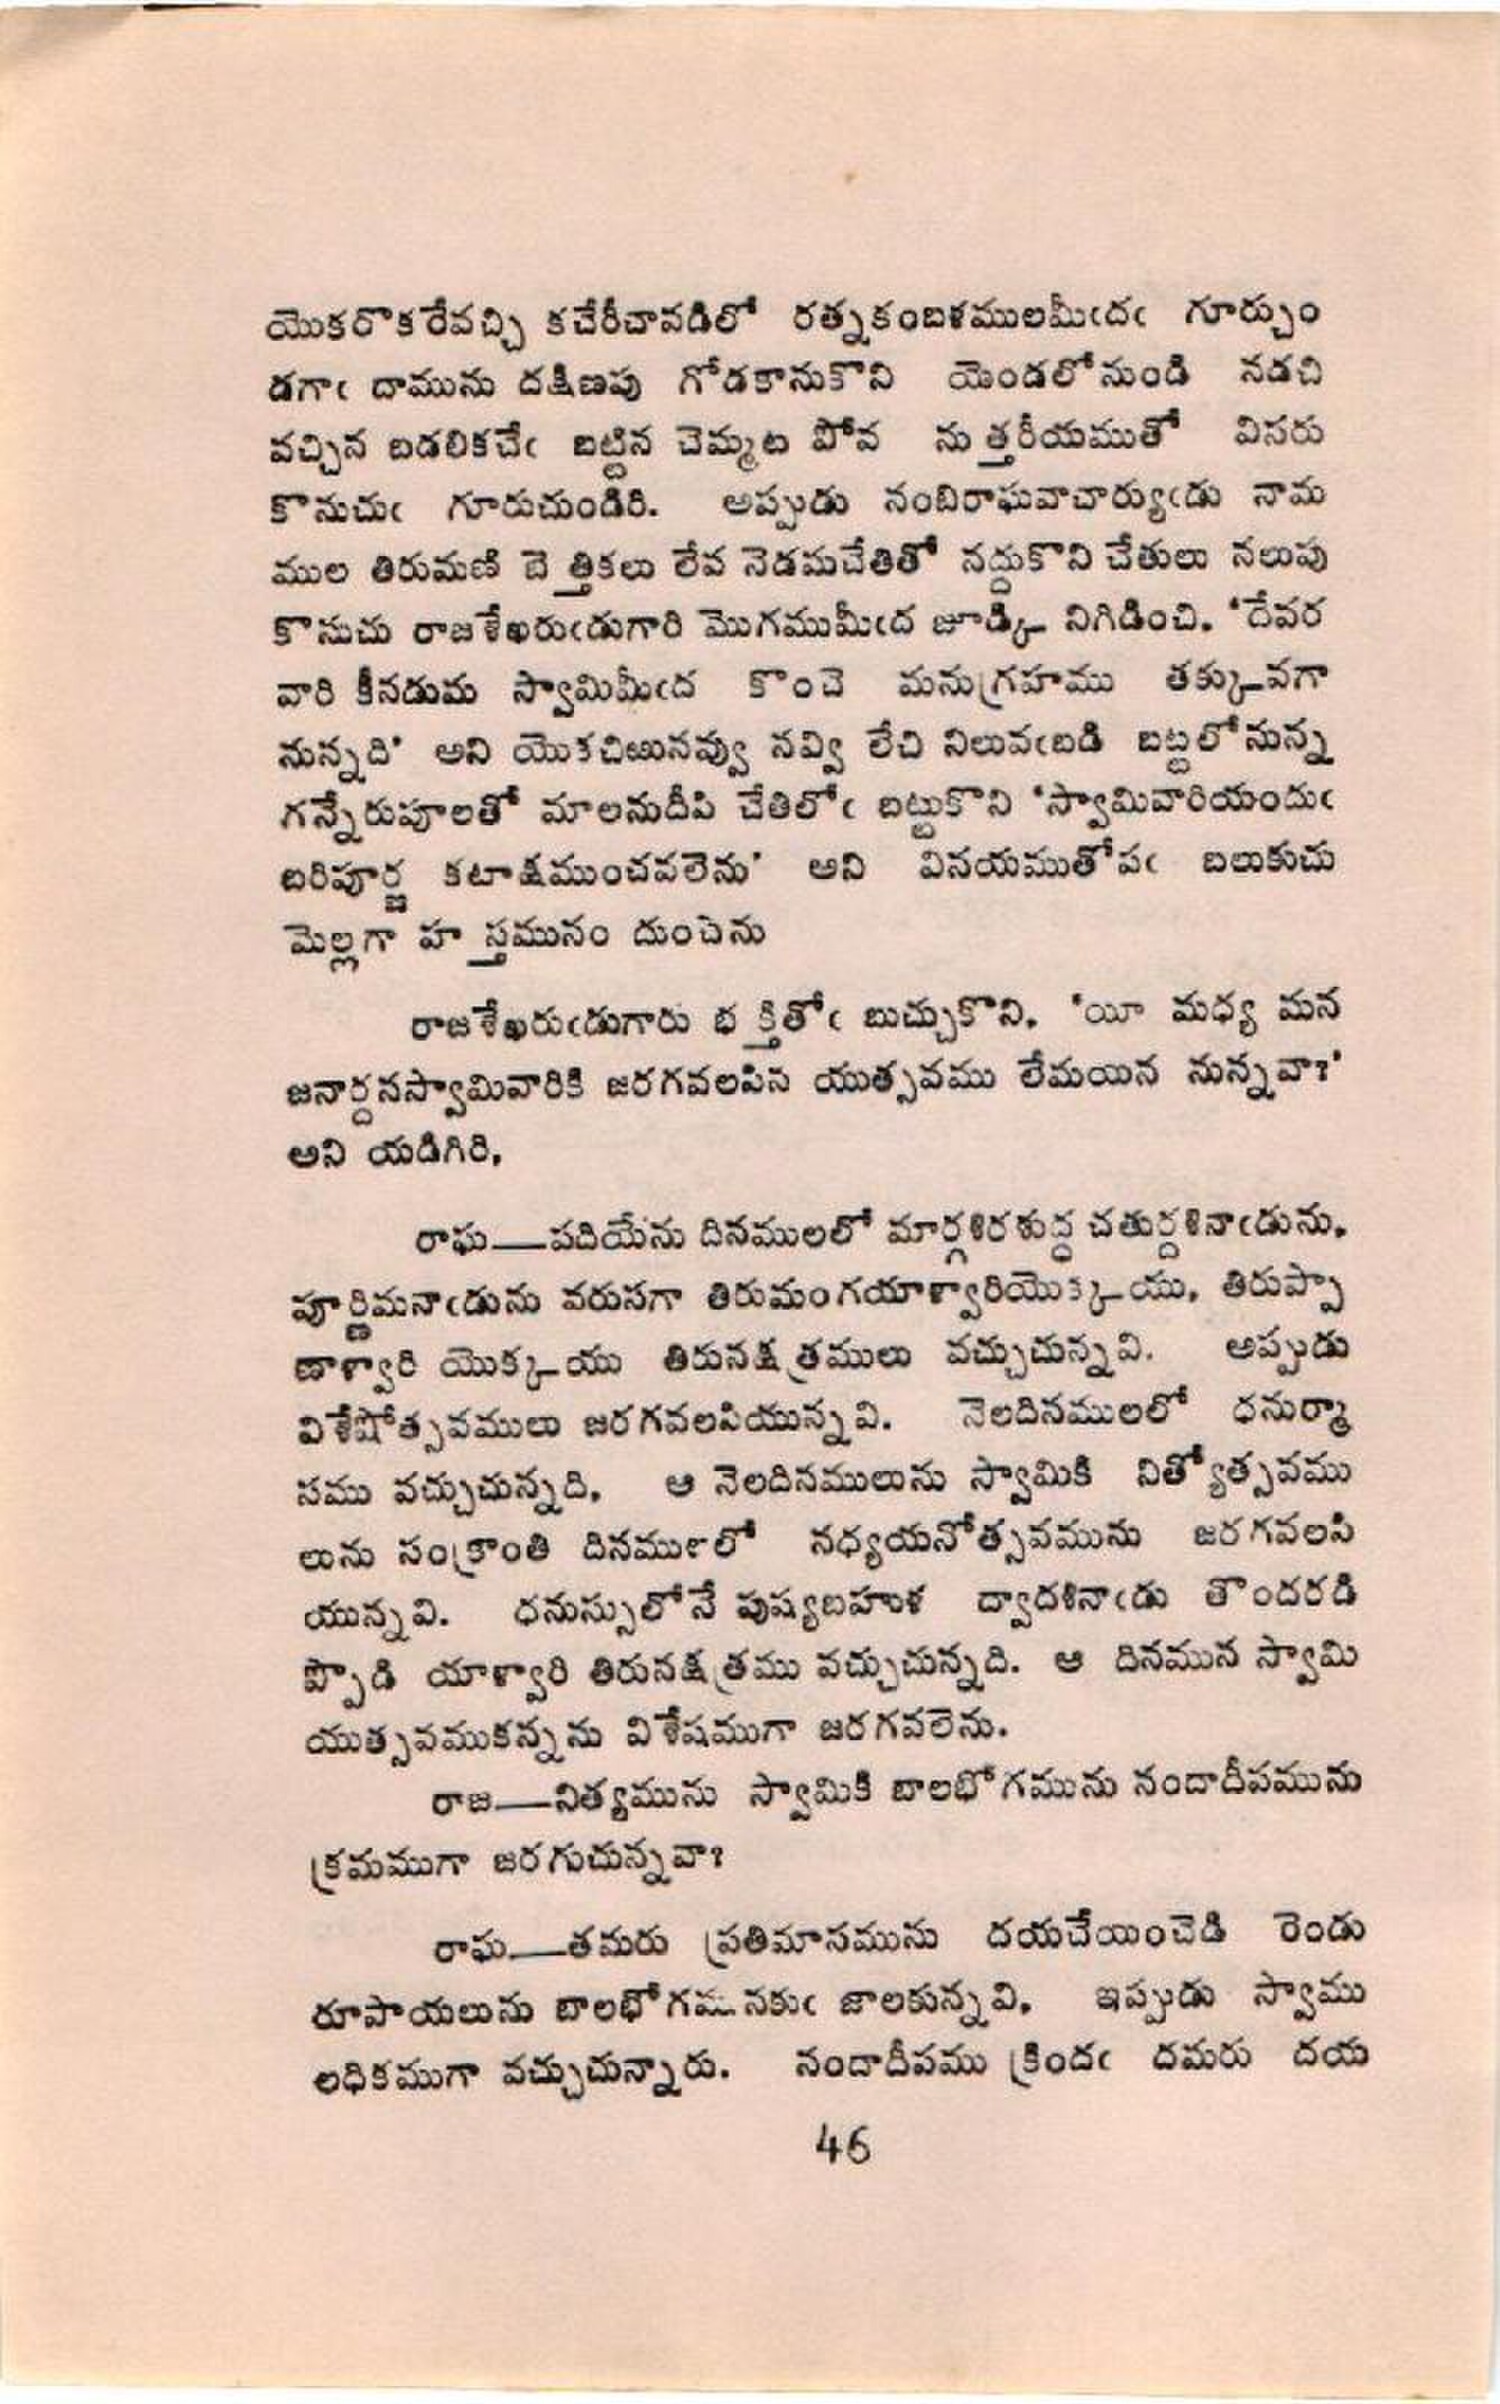యొకరొక రేవచ్చి కచేరీచావడిలో రత్నకంబళములమీఁదఁ గూర్చుం డగాఁ దామును దక్షిణపు గోడకానుకొని యెండలోనుండి నడచి వచ్చిన బడలికచేఁ బట్టిన చెమ్మట పోవ ను త్తరీయముతో విసరు కొనుచుఁ గూరుచుండిరి. అప్పడు నంబిరాఘవాచార్యుఁడు నామ ముల తిరుమణి బెత్తికలు లేవనెడమచేతితో నద్దుకొని చేతులు నలుపు కొనుచు రాజశేఖరుడుగారి మొగముమీఁద జూడ్కి నిగిడించి, "దేవర వారి కీనడుమ స్వామిమీఁద కొంచె మనుగ్రహము తక్కువగా నున్నది" అని యొకచిఱునవ్వు నవ్వి నిలువఁబడి బట్టలోనున్న గన్నేరుపూలతో మాలనుదీసి చేతిలోఁ బట్టుకుని "స్వామివారియందు బరిపూర్ణ కటాక్షముంచవలెను" అని వినయముతోపఁ బలుకుచు మెల్లగా హస్తమునం దుంచెను

రాజశేఖరుడుగారు భక్తితోఁ బుచ్చుకొని, "యీ మధ్య మన జనార్ధనస్వామివారికి జరగవలసిన యుత్సవము లేమయిన నున్నవా?' ఆని యడిగిరి,

రాఘ__పదియేను దినములలో మార్గశిర శుద్ధ చతుర్ధశినాఁడును, పూర్ణిమనాఁడును వరుసగా తిరుమంగయాళ్వారియెుక్కయు, తిరుప్పా ణాళ్వారి యొక్కయు తిరునక్షత్రములు వచ్చుచున్నవి. అప్పడు విశేషోత్సవములు జరగవలసియున్నవి. నెలదినములలో ధనుర్మా సము వచ్చుచున్నది. ఆ నెలదినములను స్వామికి నిత్యోత్సవము లను సంక్రాంతి దినములలో నధ్యయనోత్సవమును జరగవలసి యున్నవి. ధనుస్సులోనే పుష్యబహుళ ద్వాదశినాఁడు తొందరడి ప్పొడి యాళ్వారి తిరునక్షత్రము వచ్చుచున్నది. ఆ దినమున స్వామి యుత్సవముకన్నను విశేషముగా జరగవలెను.

రాజ__నిత్యమును స్వామికి బాలభోగమును నందాదీపమును క్రమముగా జర గుచున్నవా?

రాఘ-తమరు ప్రతిమాసమును దయచేయించెడి రెండు రూపాయలును బాలభోగమునకుఁ జాలకున్నవి, ఇప్పుడు స్వాము లధికముగా వచ్చుచున్నారు. నందాదీపము క్రిందఁ దమరు దయ